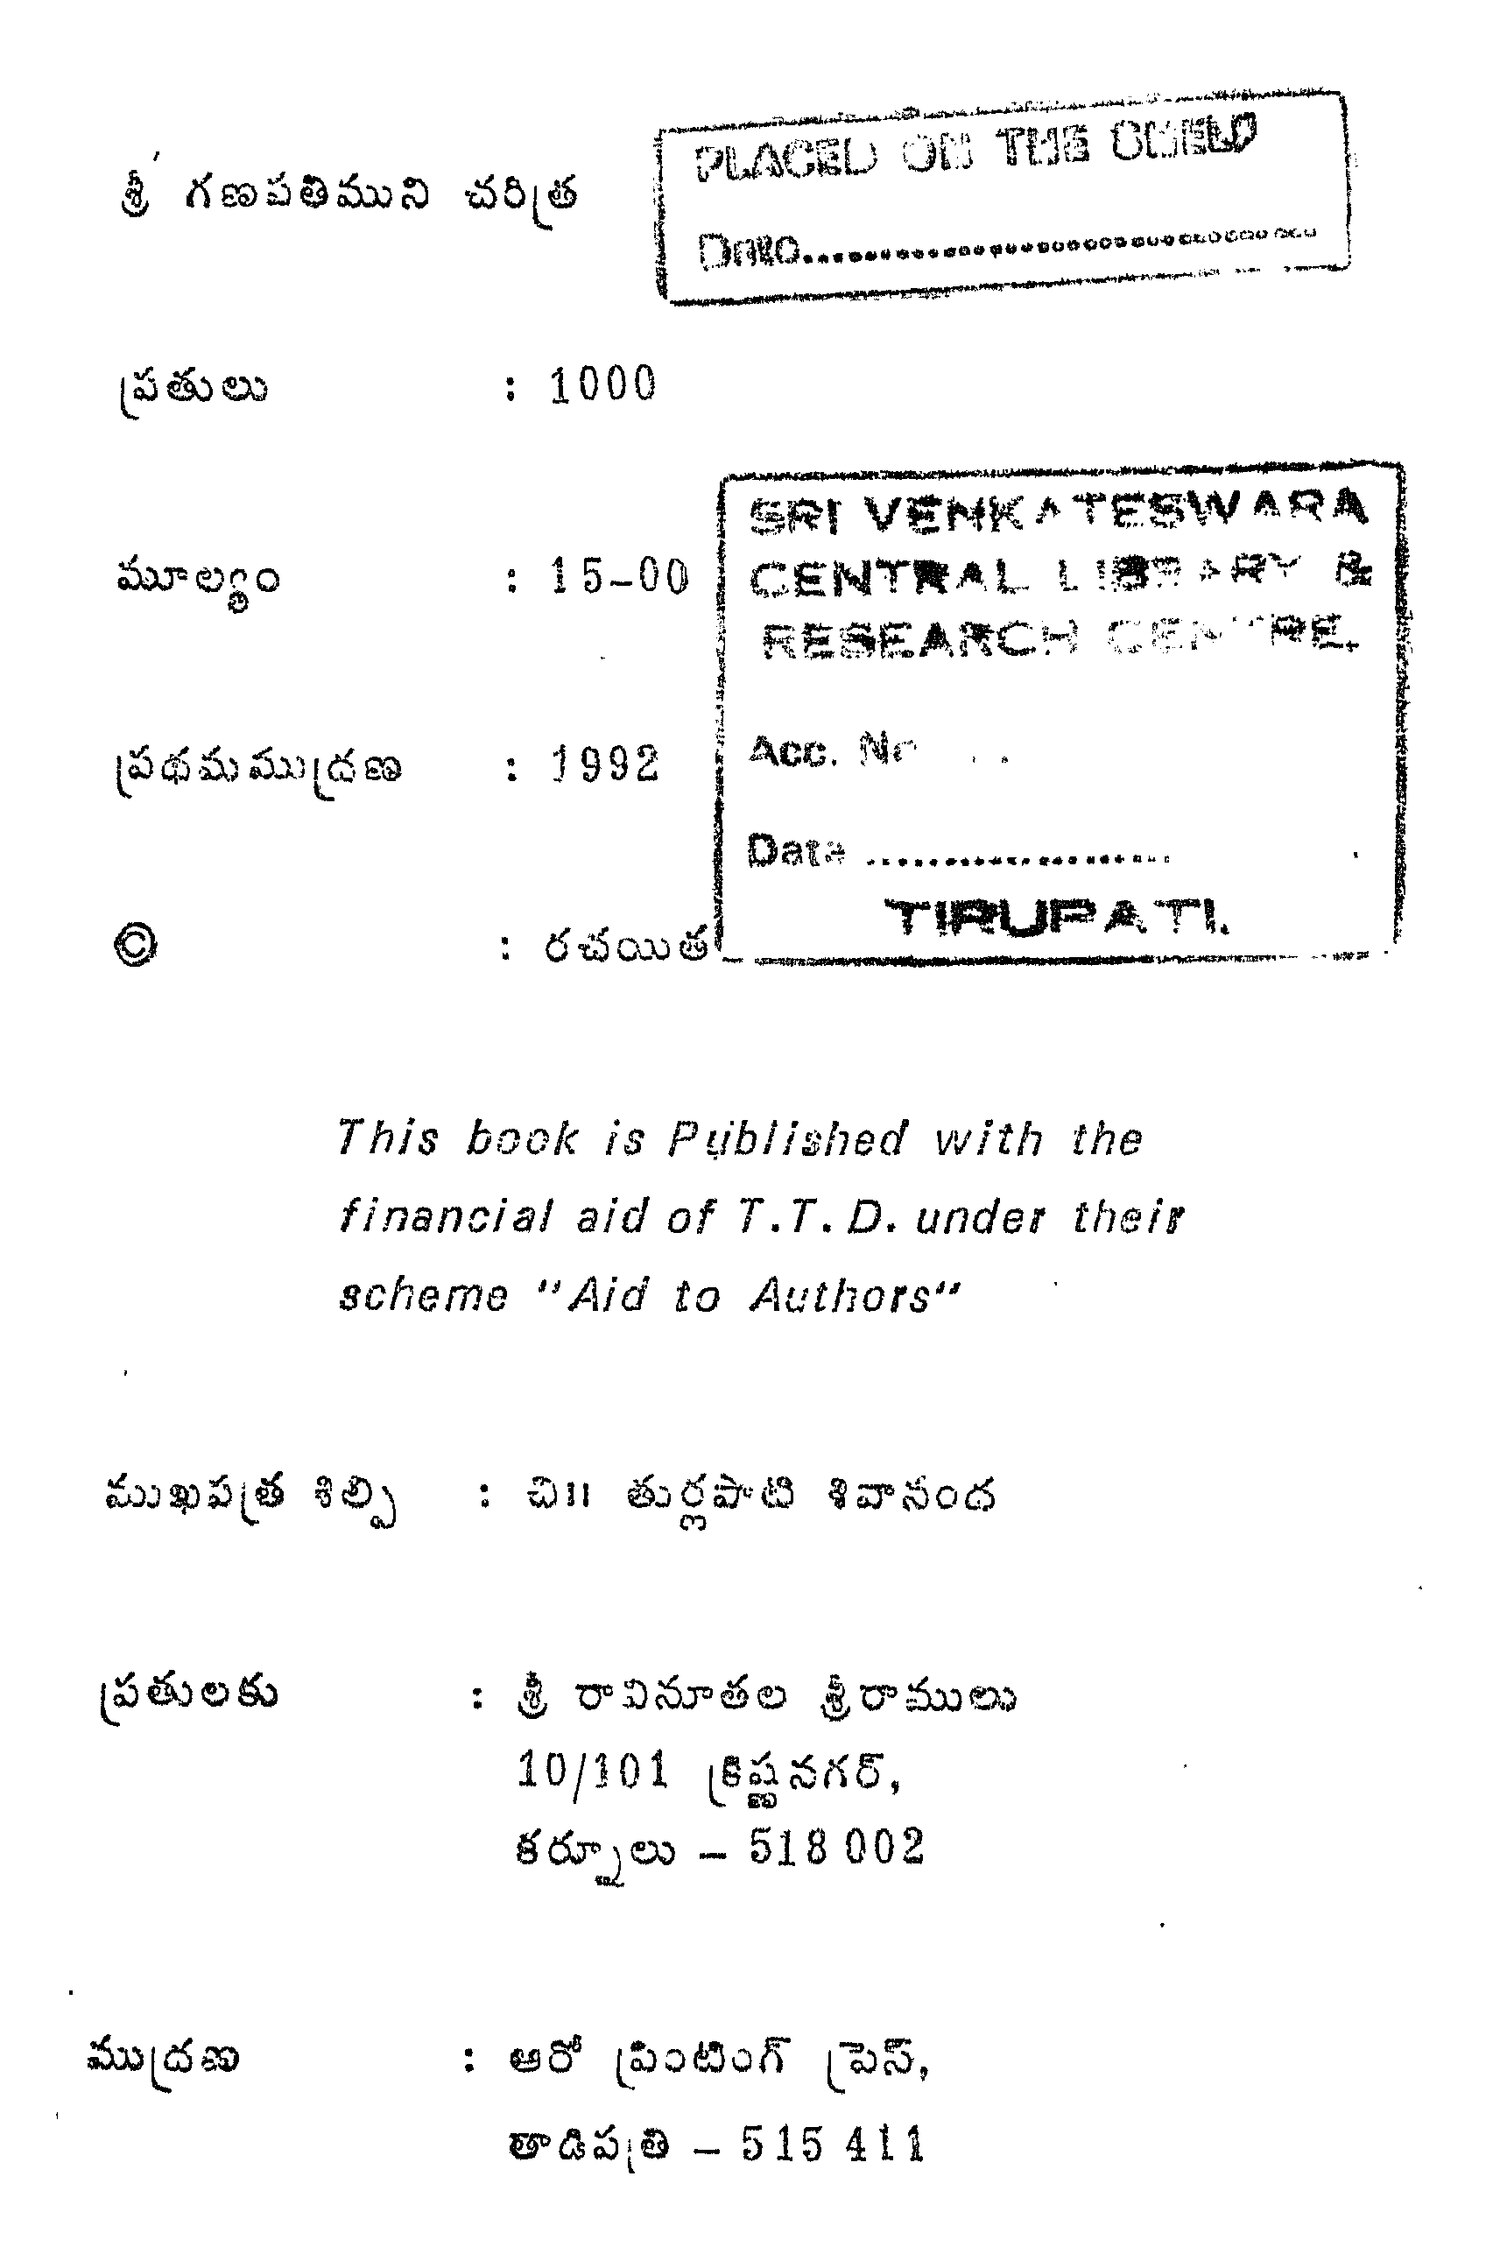శ్రీ గణపతిముని చరిత్ర

ప్రతులు : 1000

మూల్యం : 15-00

ప్రథమముద్రణ : 1992

Copyright : రచయిత

This book is published with the financial aid of T.T.D. under their scheme " Aid to Authors "

ముఖపత్ర శిల్పి : చి|| తుర్లపాటి శివానంద

ప్రతులకు :

శ్రీ రావినూతల శ్రీరాములు

10/101 క్రిష్ణనగర్,

కర్నూలు - 518 002

ముద్రణ : 

ఆరో ప్రింటింగ్ ప్రెస్,

తాడిపత్రి - 515 411